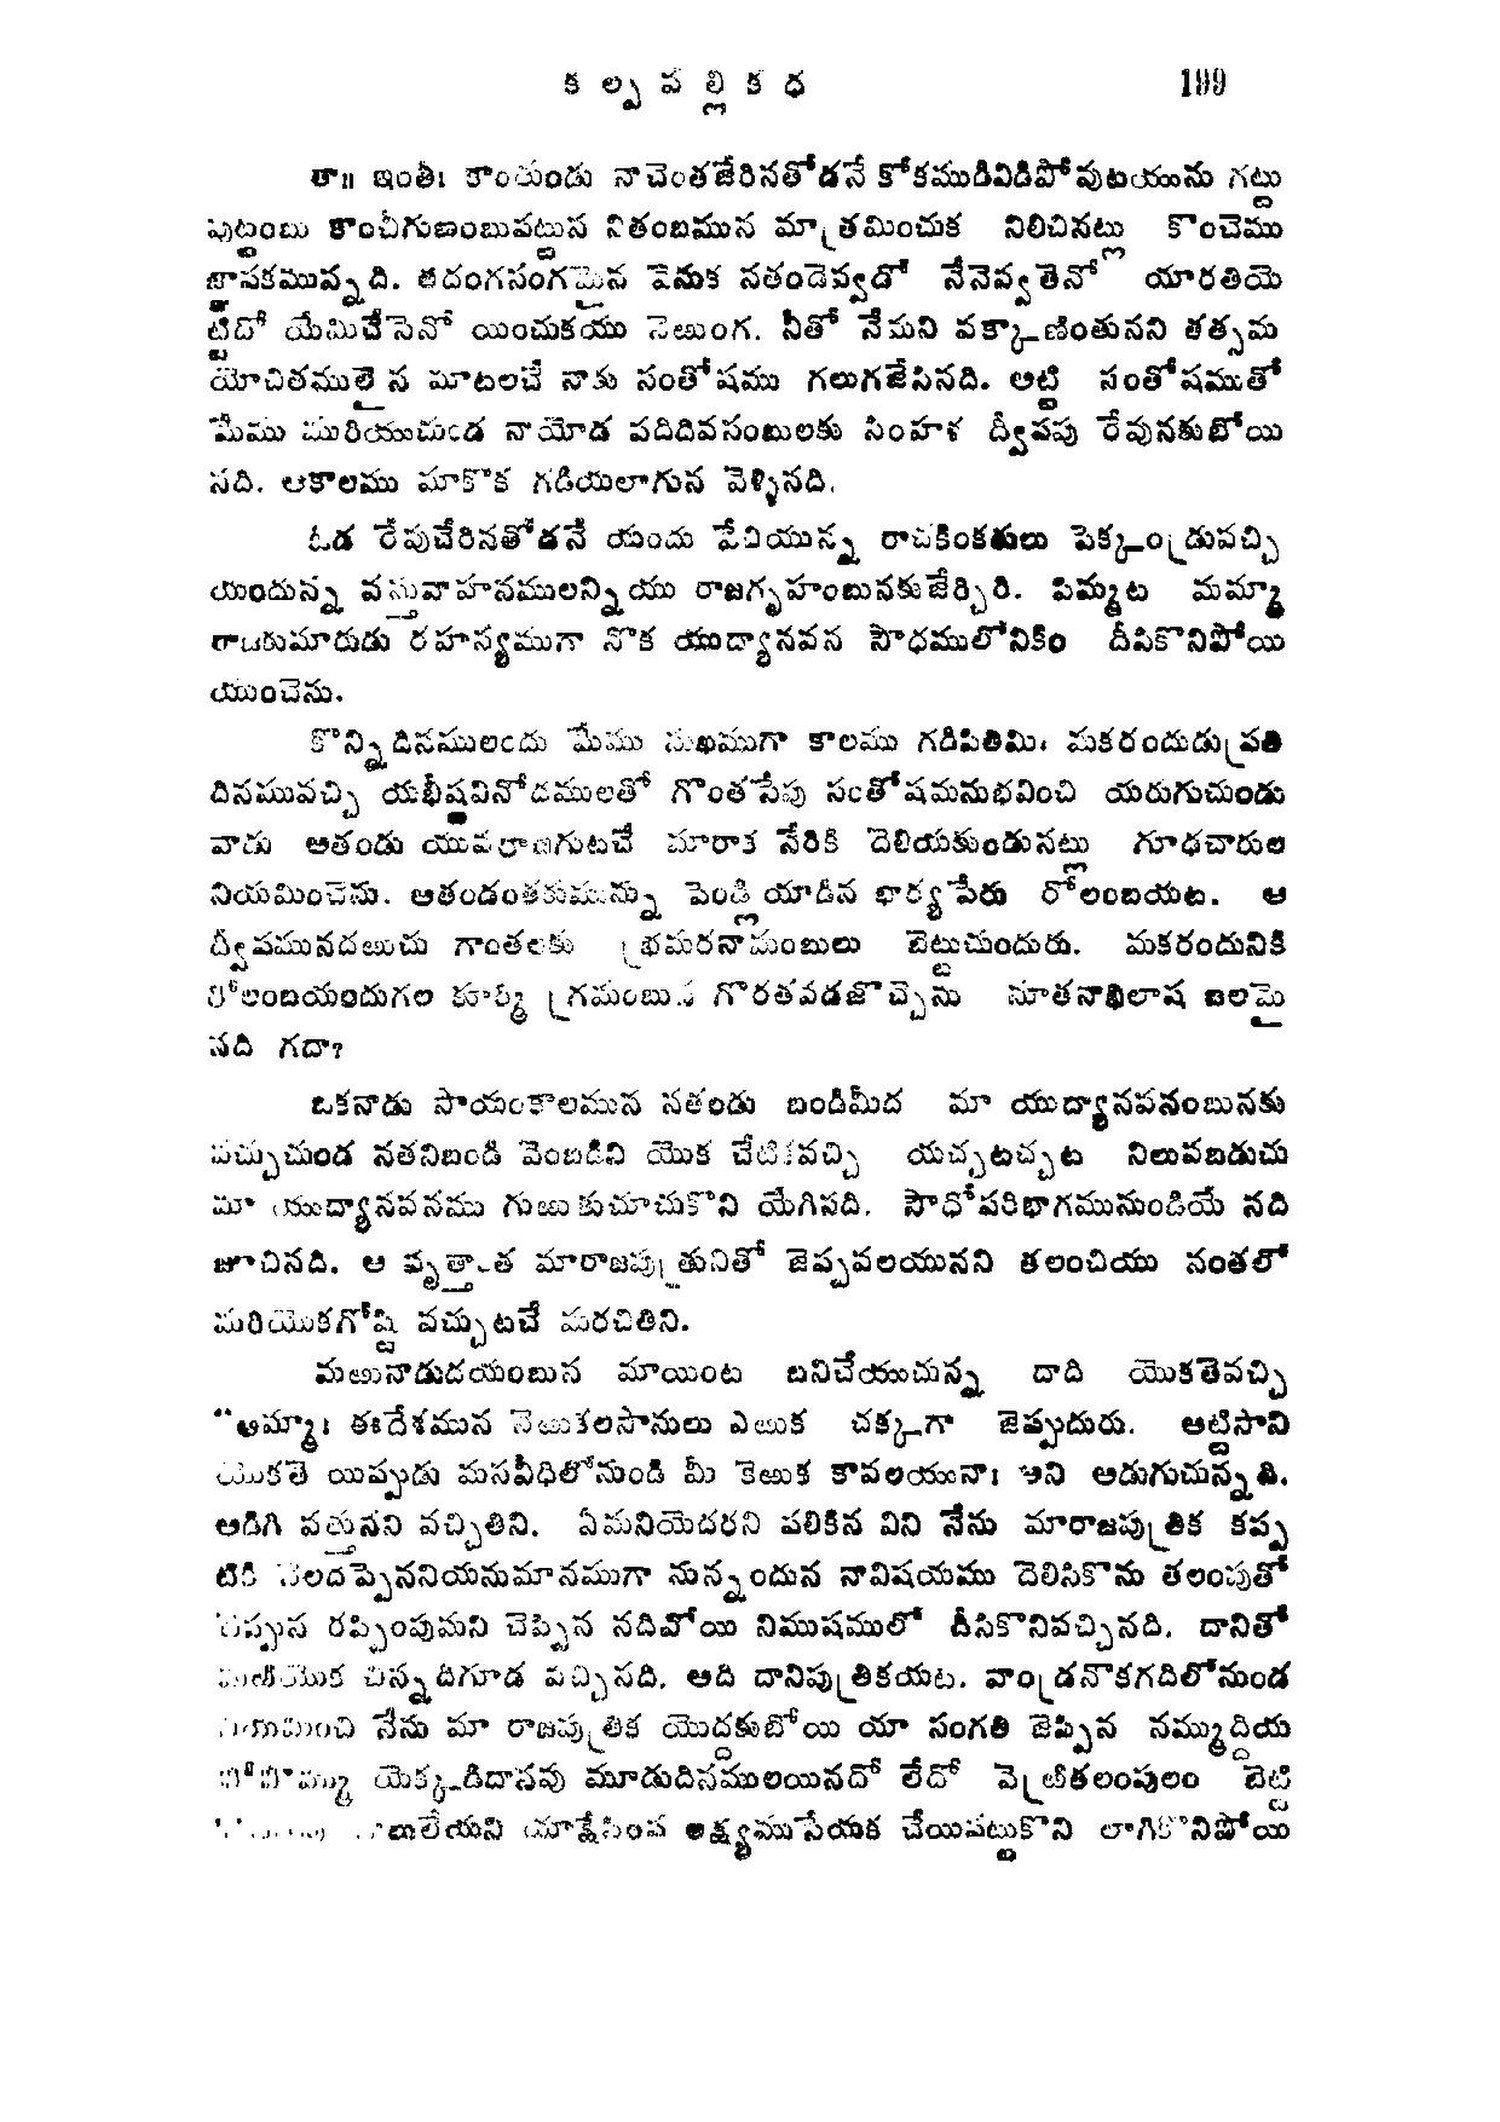తా॥ ఇంతీ! కాంతుండు నాచెంతజేరినతోడనే కోకముడివిడిపోవుటయును గట్టు పుట్టంబు కాంచీగుణంబుపట్టున నితంబమున మాత్రమించుక నిలిచినట్లు కొంచెము జ్ఞాపకమున్నది.
తదంగసంగమైన వెనుక నతండెవ్వడో నేనెవ్వతెనో యారతియెట్టిదో యేమిచేసెనో యించుకయు నెఱుంగ. నీతో నేమని వక్కాణింతునని తత్సమయోచితములైన మాటలచే నాకు సంతోషము గలుగజేసినది. అట్టి సంతోషముతో మేము మురియుచుండ నాయోడ పదిదివసంబులకు సింహళద్వీపపు రేవునకుబోయినది. ఆకాలము మాకొక గడియలాగున వెళ్ళినది.

ఓడ రేవుచేరినతోడనే యందు వేచియున్న రాచకింకరులు పెక్కండ్రువచ్చి యందున్న వస్తువాహనము లన్నియు రాజగృహంబునకుజేర్చిరి. పిమ్మట మమ్మా రాజకుమారుడు రహస్యముగా నొక యుద్యానవన సౌధములోనికిం దీసికొనిపోయి యుంచెను.

కొన్నిదినములందు మేము సుఖముగా కాలము గడిపితిమి. మకరందుడు ప్రతి దినము వచ్చి యభీష్టవినోదములతో గొంతసేపు సంతోషమనుభవించి యరుగుచుండువాడు అతండు యువరాజగుటచే మారాక నేరికి దెలియకుండునట్లు గూఢచారుల నియమించెను. ఆతండంతకుమున్ను పెండ్లి యాడిన భార్య పేరు రోలంబయట. ఆ ద్వీపమున దఱుచు గాంతలకు భ్రమరనామంబులు బెట్టుచుందురు. మకరందునికి రోలంబయందుగల కూర్మి గ్రమంబున గొరతవడజొచ్చెను నూతనాభిలాష బలమైనది గదా?

ఒకనాడు సాయంకాలమున నతండు బండిమీద మా యుద్యానవనంబునకు వచ్చుచుండ నతనిబండి వెంబడిని యొక చేటికవచ్చి యచ్చటచ్చట నిలువబడుచు మా యుద్యానవనము గుఱుతుచూచుకొని యేగినది. సౌధోపరిభాగమునుండియే నది జూచినది. ఆ వృత్తాంత మారాజపుత్రునితో జెప్పవలయునని తలంచియు నంతలో మరియొకగోష్టి వచ్చుటచే మరచితిని.

మఱునాడుదయంబున మాయింట బనిచేయుచున్న దాది యొకతెవచ్చి "అమ్మా! ఈ దేశమున నెఱుకలసానులు ఎఱుక చక్కగా జెప్పుదురు. అట్టిసాని యొకతె యిప్పుడు మనవీథిలోనుండి మీ కెఱుక కావలయునా! అని అడుగుచున్నది. అడిగి వత్తునని వచ్చితిని. ఏమనియెదరని పలికిన విని నేను మారాజపుత్రిక కప్పటికి నెలదప్పెననియనుమానముగా నున్నందున నావిషయము దెలిసికొను తలంపుతో చప్పున రప్పింపుమని చెప్పిన నదివోయి నిముషములో దీసికొనివచ్చినది. దానితో మఱియొక చిన్నదిగూడ వచ్చినది. అది దానిపుత్రికయట. వాండ్రనొకగదిలోనుండ నియమించి నేను మా రాజపుత్రిక యొద్దకుబోయి యా సంగతి జెప్పిన నమ్ముద్దియ పోపొమ్ము యెక్కడిదానవు మూడుదినములయినదో లేదో వెఱ్ఱితలంపులం బెట్టిదంబులు చాలులేయని యాక్షేపింప లక్ష్యముసేయక చేయిపట్టుకొని లాగికొనిపోయి